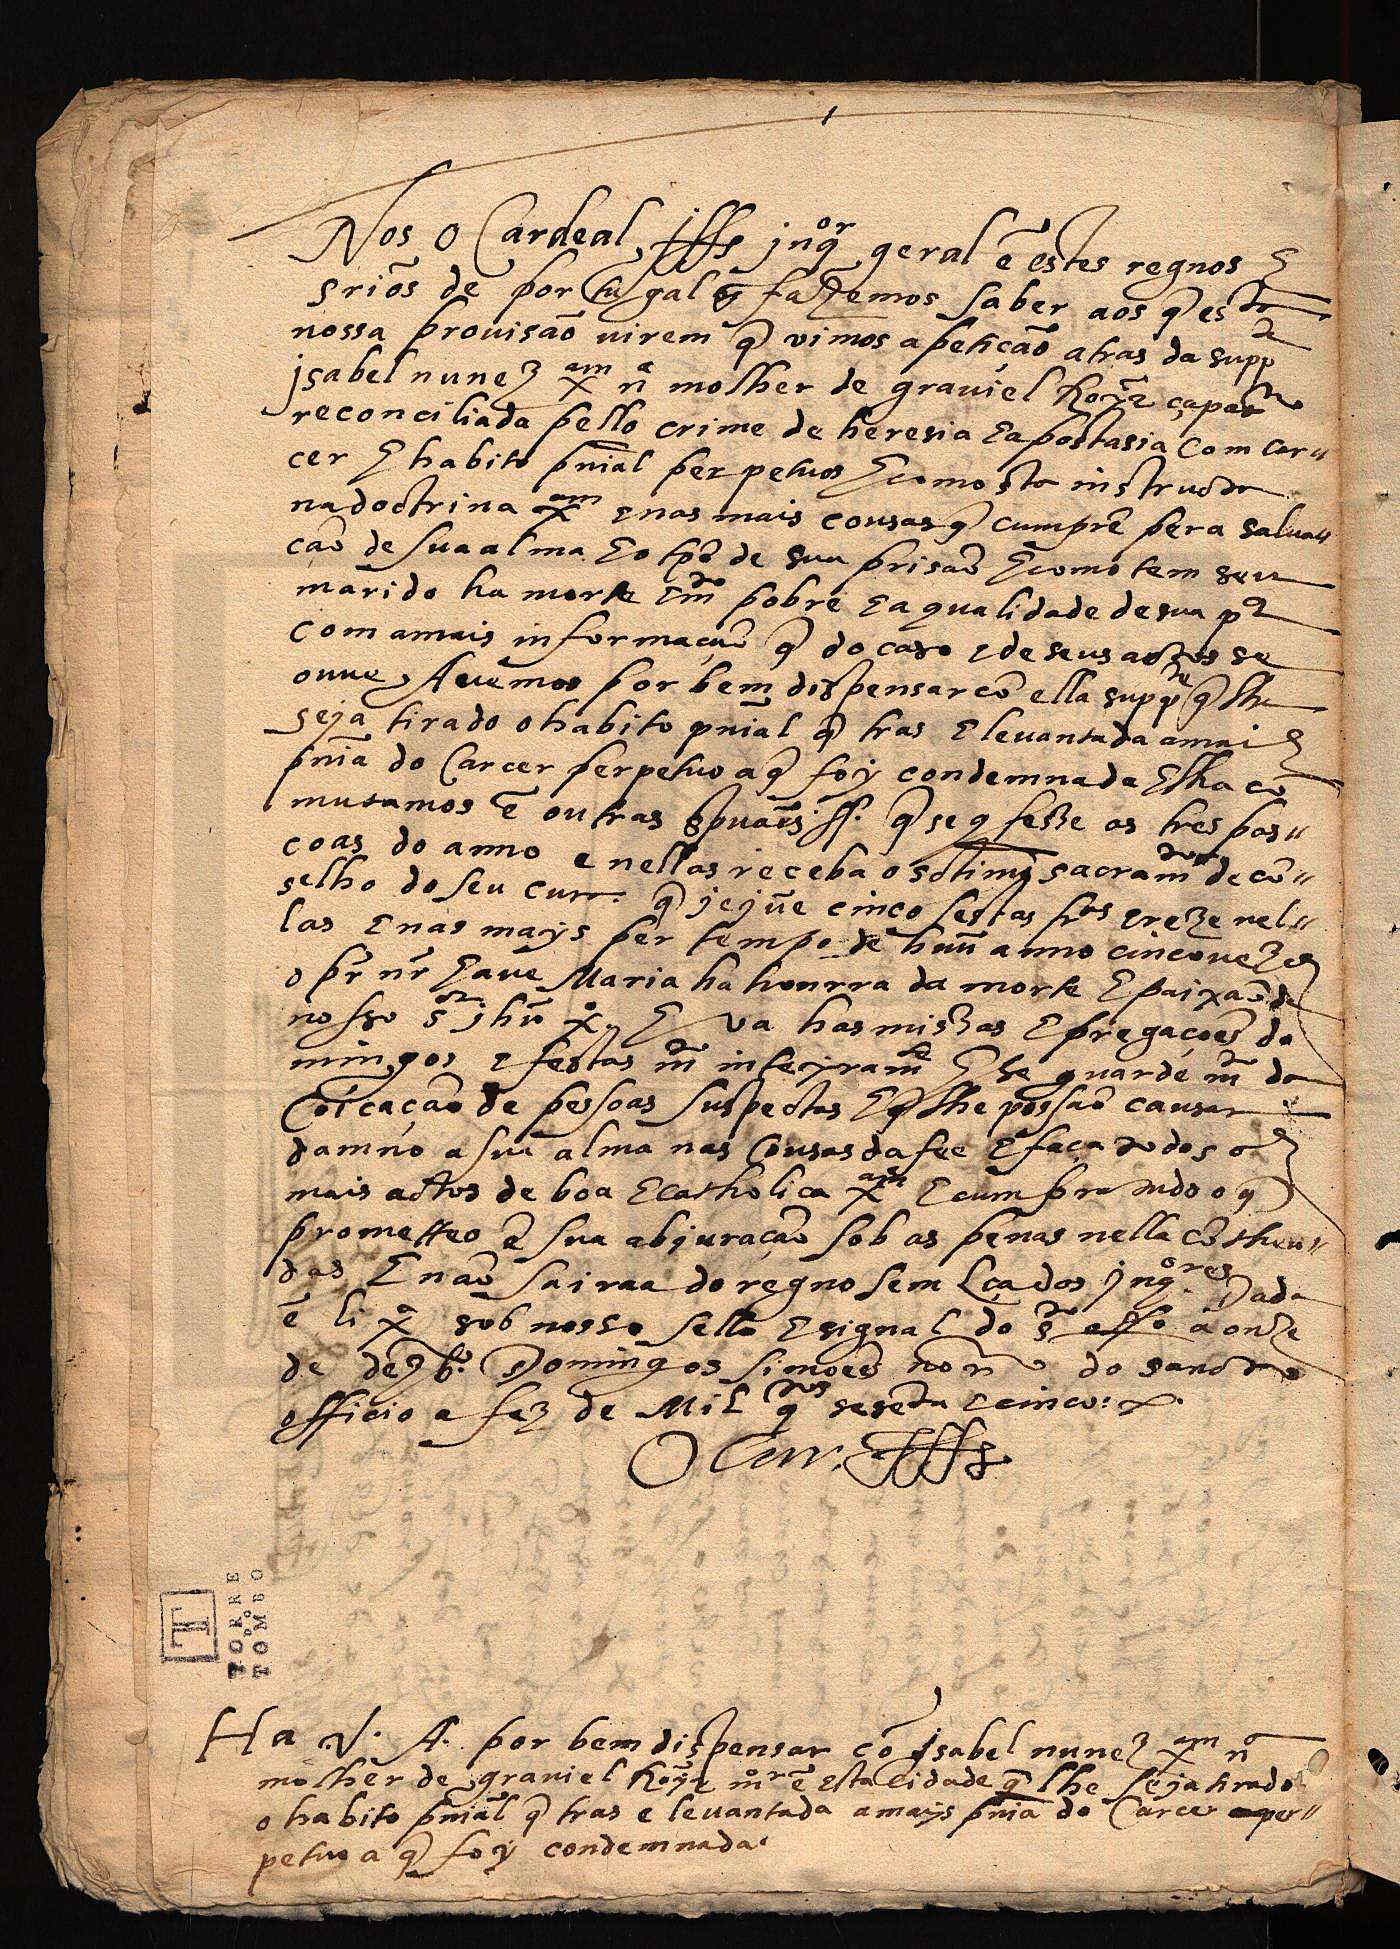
Nos o Cardeal Jffꝭ jnqor geral ē estes regnos E
sriōs de portugal c̄ꝭ faZemos saber aos q̄ esta
nossa prouisaõ uirem q̄ vimos a petiçaõ atras da suppte
jsabel nunez xam na molher de grauiel Royz̄ çapatro
reconciliada pello crime de heresia E apostasia com car
cer E habito pnīal perpetuos E como sta instructa
na doctrina xam E nas mais cousas q̄ cumprē pera salua
çaõ de sua alma E o tpō de sua prisaõ E como tem seu
marido ha morte E mto pobre E a qualidade de sua pa
com a mais informaçaõ q̄ do caso E de seus actos se
ouue Auemos por bem dispensar cō ella suppte q̄ lhe
seja tirado o habito pnīal q̄ tras E leuantada a mais
pnīa do Carcer perpetuo a q̄ foy condemnada E lha cō
mutamos ē outras spuaēs .ss. q̄ se ꝯfesse as tres pas
coas do anno e nellas receba o sctim̄o sacramto de cō
selho de seu cura. q̄ jejūe cinco sestas fras E reze nel
las E nas mays per tempo de huū anno cinco uezes
o pr̄ nr̄ E aue Maria ha honrra da morte E paixaõ de
nosso sor jhū xo E va has missas E pregaçoēs do
mingos E festas mto inteyramte E se guarde mto da
Coīcação de pessoas suspectas E q̄ lhe possaõ causar
damno a sua alma nas Cousas da fee E faça todos os
mais actos de boa E catholica xam E cumpra tudo o q̄
prometteo ē sua abjuraçaõ sob as penas nella cōtheu
das E naõ sairaa do regno sem Lça dos jnq.ores Dada
ē lixa sob nosso sello E signal E do sto offo a onze
de dezb.ro Domingos Simoeẽs nōtro do sancto
officio a fez de Mil qtos sesēta E cinco.
O Car. Jffꝭ
Ha .V. A. por bem dispensar cō jsabel nunez Xam na
molher de grauiel Roȳz mor ē Esta cidade q̄ lhe seja tirado
o habito pniāl q̄ tras e leuantada a mais pn̄ia do Carcer a per
petuo a q̄ foy condemnada.
